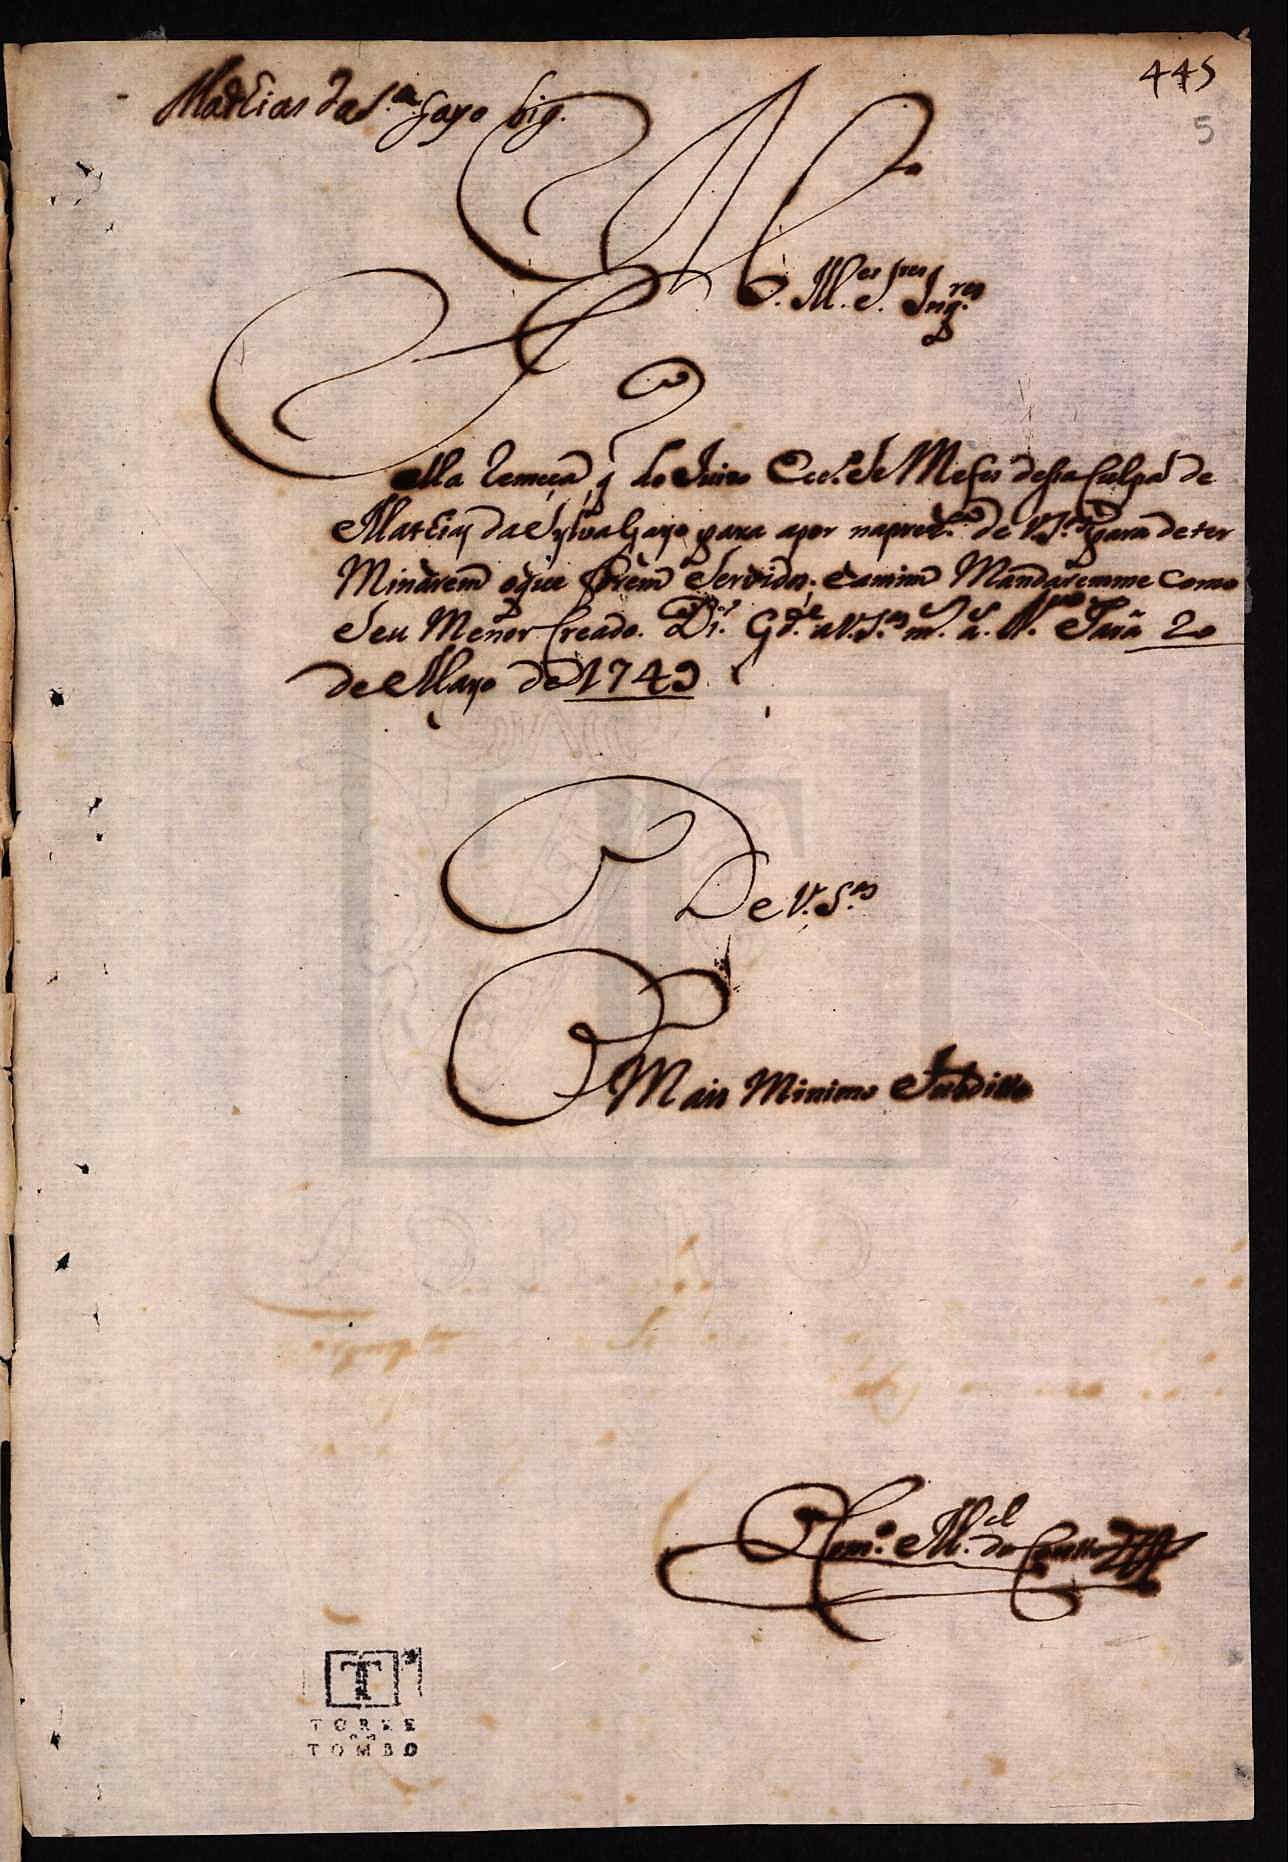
445
Mathias da S.a Gayo big.
Mt.o Ill.es S.res Inq.res
Pella Remeça q̄ do Iuizo Ecc.o se Mefes dessa Culpa de
Mathias da Sylva Gayo para apor na prez.te de VS.as para de ter
Minàrem o que forem Servidos; e a mim Mandaremme como
Seu Menor Creado. Ds̄. Gd.e a V. S.as m̄. a.s V.a Pará 20
de Mayo de 1749
De V. S.as
O Mais Minimo Subdito
O Com.o Mel de Castro
